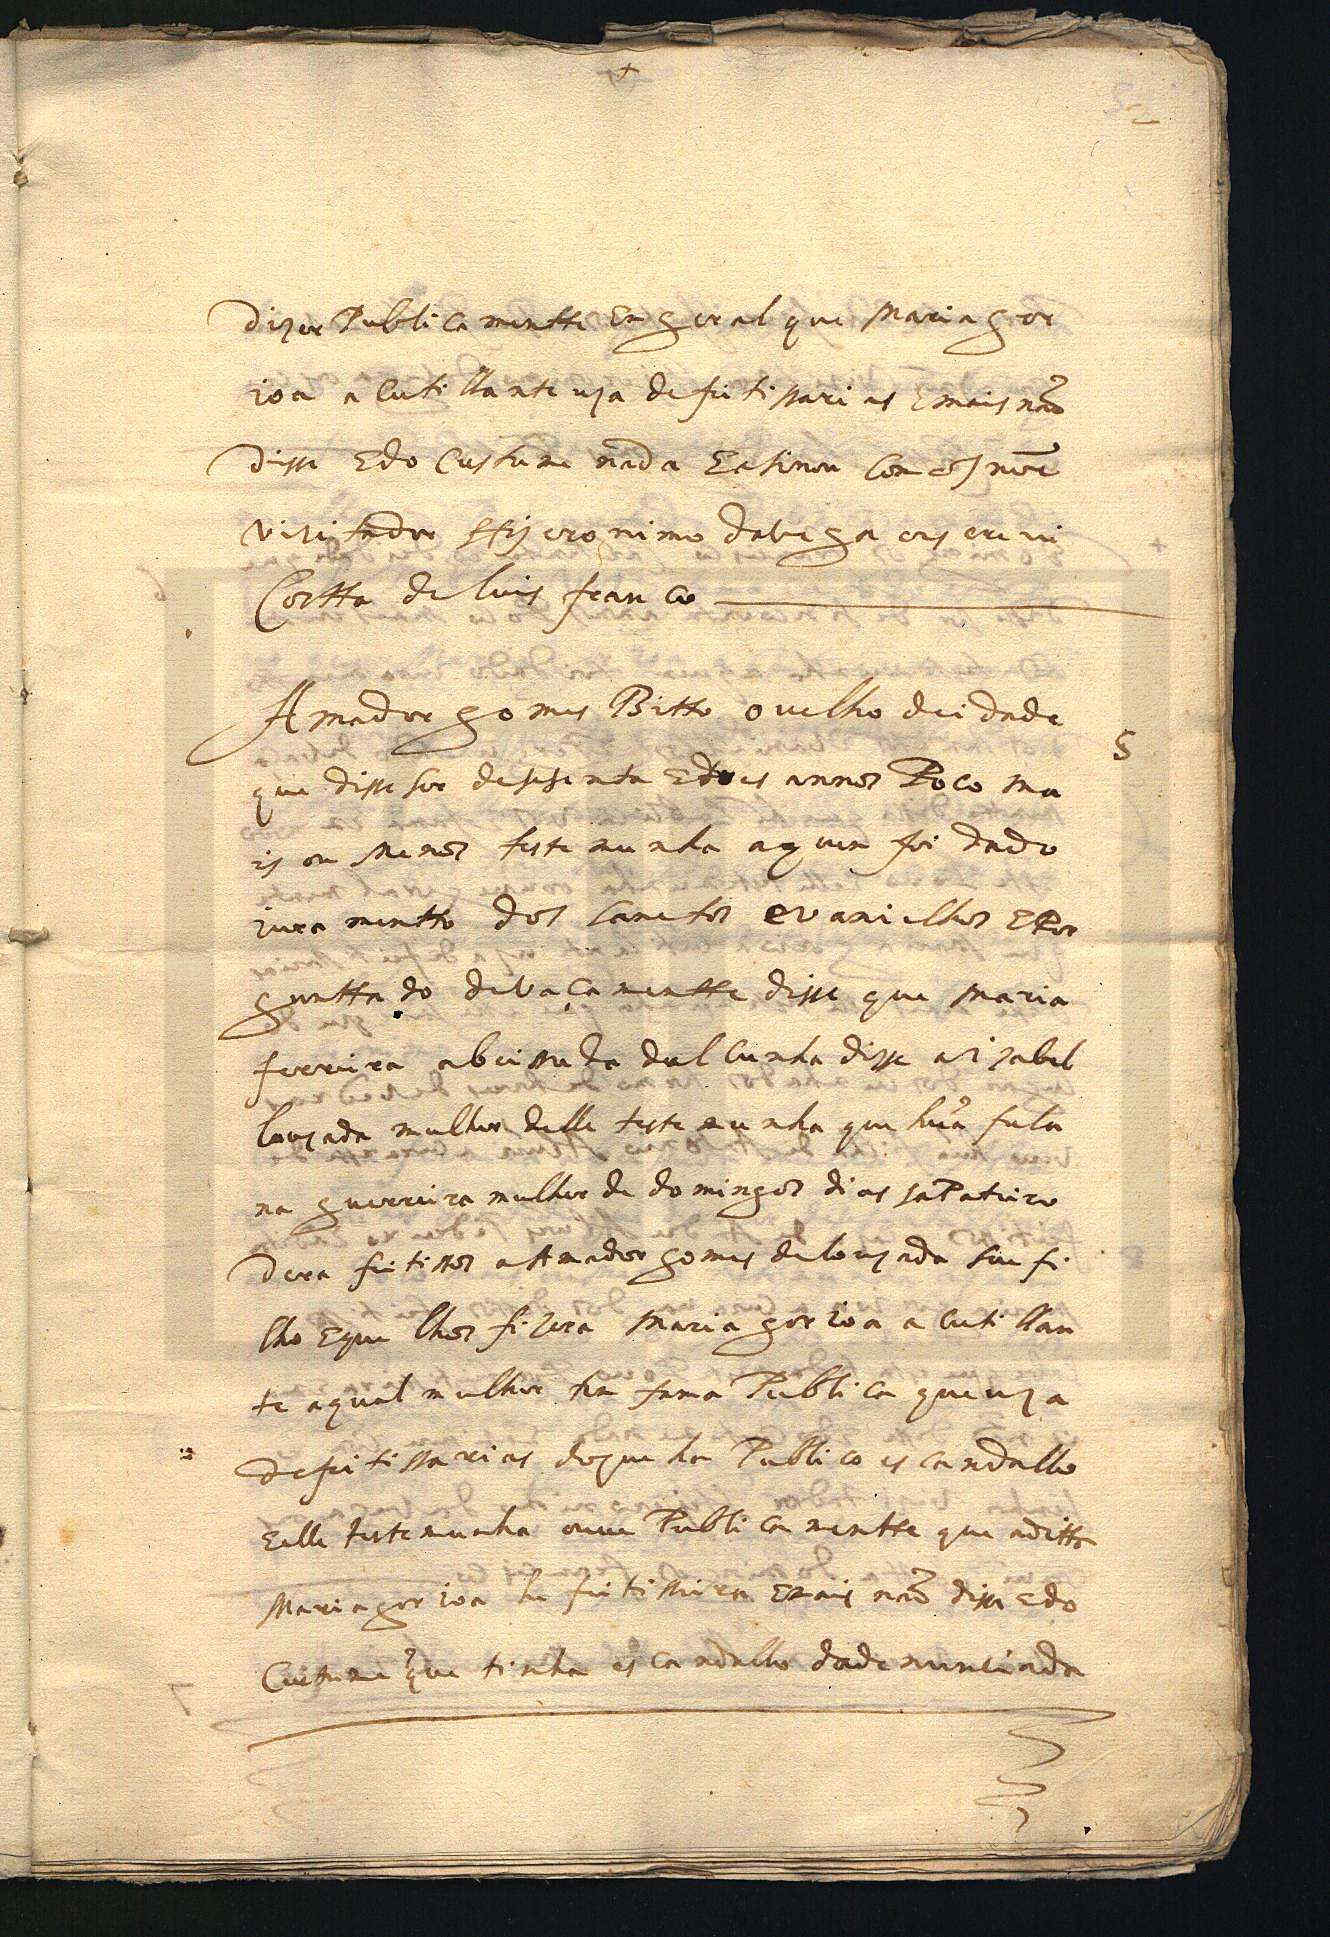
dizer Publicamente Em geral que Maria gor
ioa a cutillante uza de feitissarias E mais não
disse E do custume nada E asinou com o Snōr
visitador Hyeronimo da vega o escreui
Costta de luis franco
Amador gomes Bitto o uelho de idade
que disse ser de sesenta E dois annos Poco ma
is ou menos testemunha a quem foi dado
iuramentto dos sanctos evanielhos E Per
gunttado devaçamentte disse que maria
ferreira a beissuda dalcunha disse a izabel
louzada mulher delle testemunha que huā fula
na guerreira mulher de domingos dias saPateiro
dera feitissos a Amador gomes de louzada seu fi
lho E que lhos fizera Maria gorioa a cutillan
te a qual mulher ha fama Publica que uza
de feitissarias do que he Publico escandallo
E elle testemunha ouue Publicamentte que a ditta
Maria gorioa he feitisseira E mais não disse E do
Custume que tinha escandallo da denunciada
